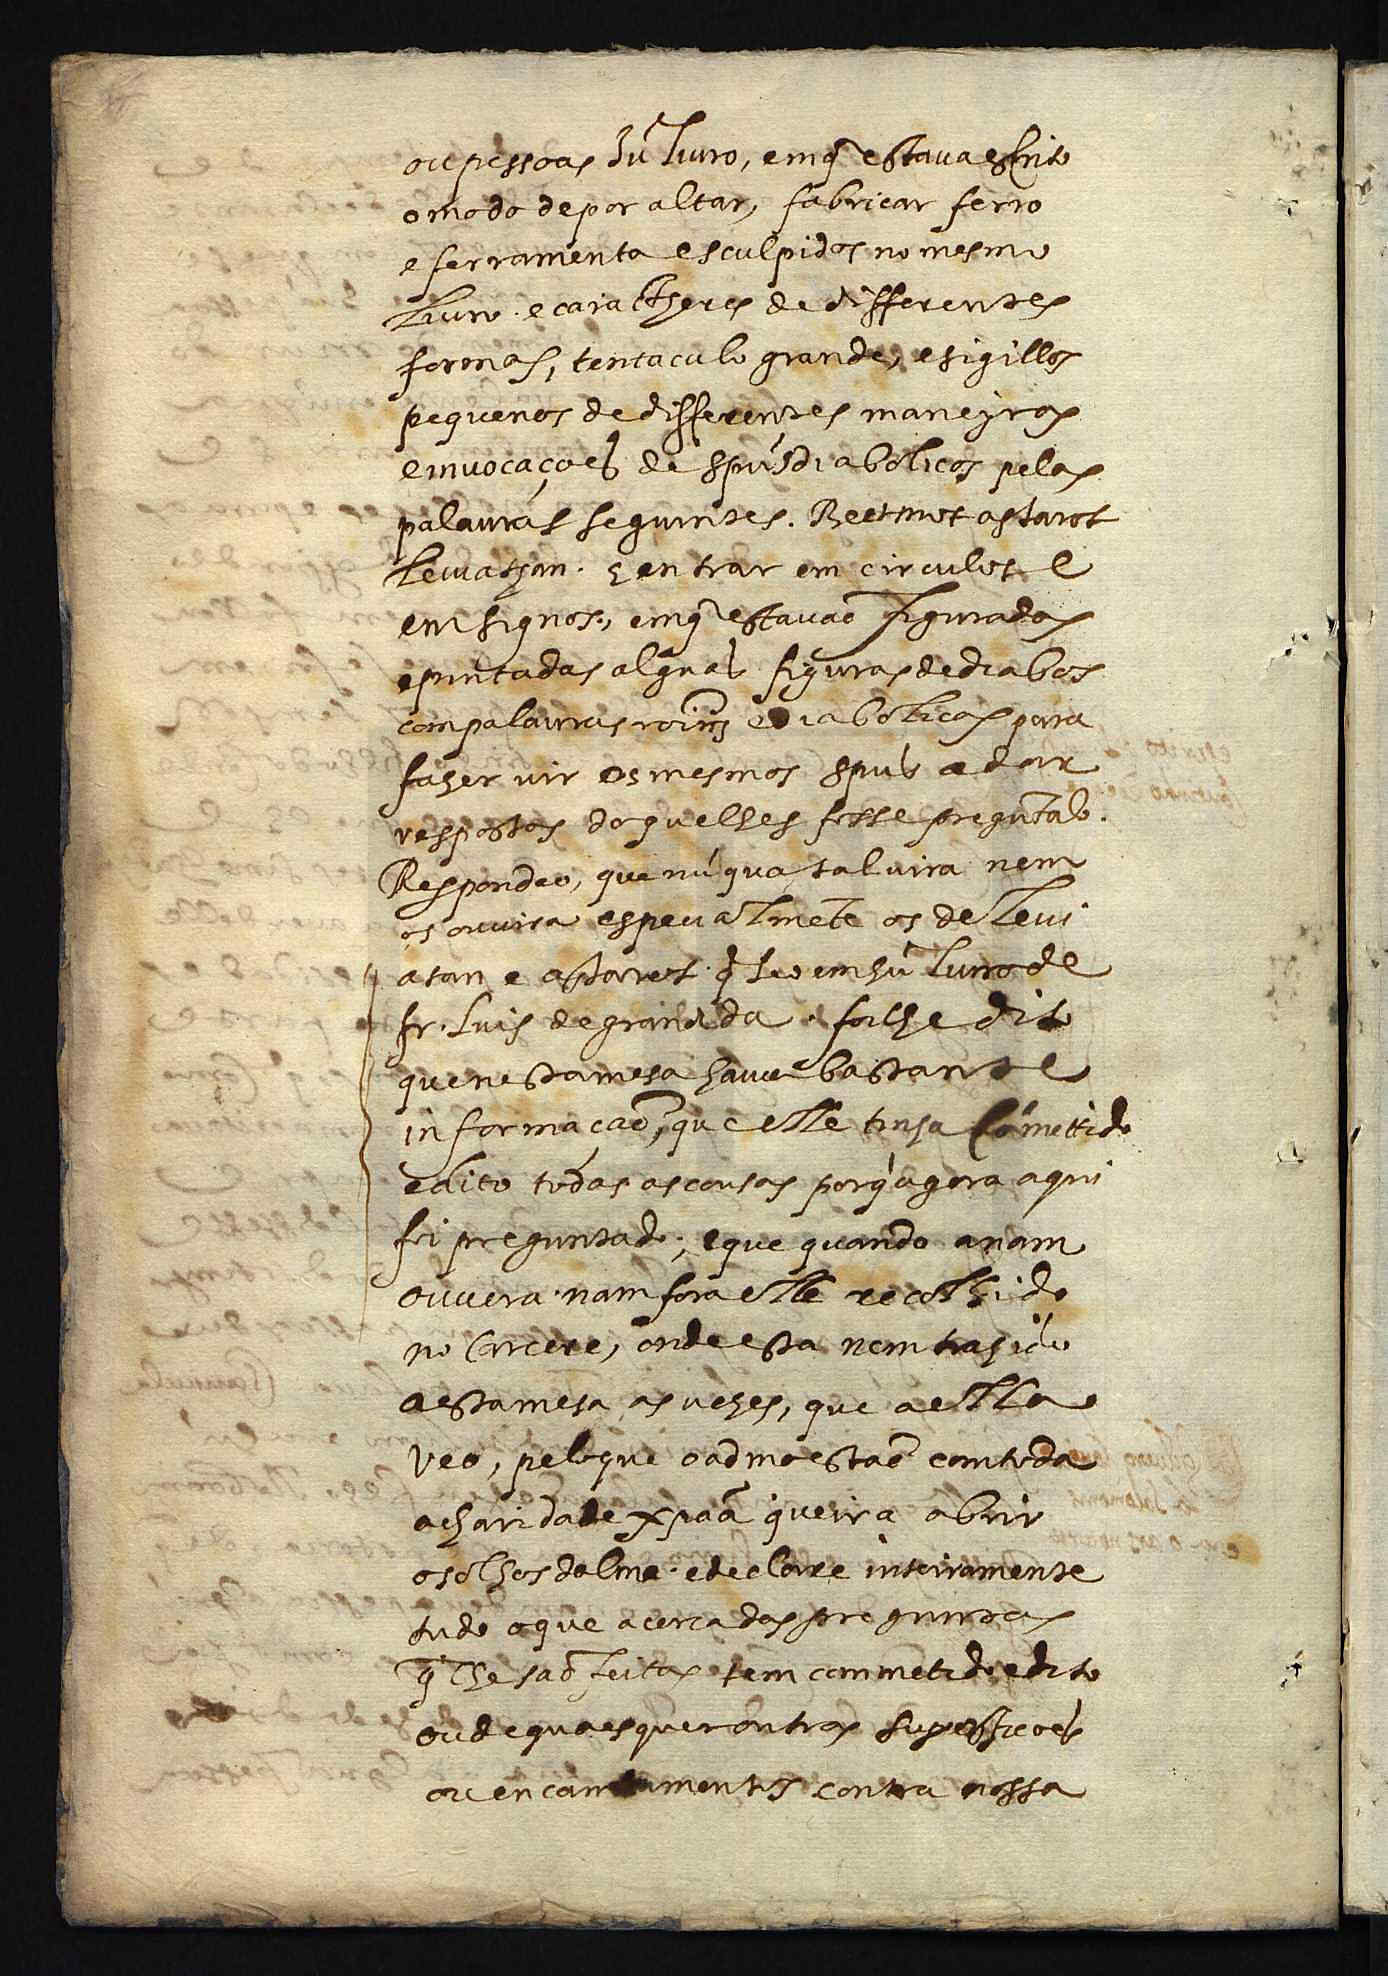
ou pessoas hū liuro, em q̄ estaua esCrito
o modo de por altar, fabricar ferro
e ferramenta esculpidos no mesmo
Liuro, e caractheres de differentes
formas, tentaculo grande, e sigillos
pequenos de differentes maneyras
e invocaçoẽs de spūs diabolicos pelas
palauras seguintes. Beetmot astarot
Leuiatham. E entrar em circulos e
em signos, em q̄ estauaõ figuradas
e pintadas alguas̄ figuras de diabos
com palauras roīns e diabolicas para
fazer uir os mesmos spus̄ a dar
respostas do que lhes fosse pregūtado
Respondeo, que nūqua tal uira nem
os ouuira especialmēte os de Leui
atan, e astarot q̄ leo em hū liuro de
fr. Luis de granada. foilhe dito
que nesta mesa hauia bastante
informaçaõ, que elle tinha Comettido
e dito todas as cousas por q̄ agora aqui
foi preguntado; e que quando a nam
ouuera. nam fora elle recolhido
no carcere, onde esta nem trazido
a esta mesa as uezes, que a ella
veo, pelo que o admoestaõ com toda
a charidade xpaā queira abrir
os olhos dalma. e declare inteiramente
tudo o que acerca das preguntas
q̄ lhe saõ feitas tem commetido e dito
ou de quaesquer outras superstiçoẽs
ou encan_amentos contra nossa
